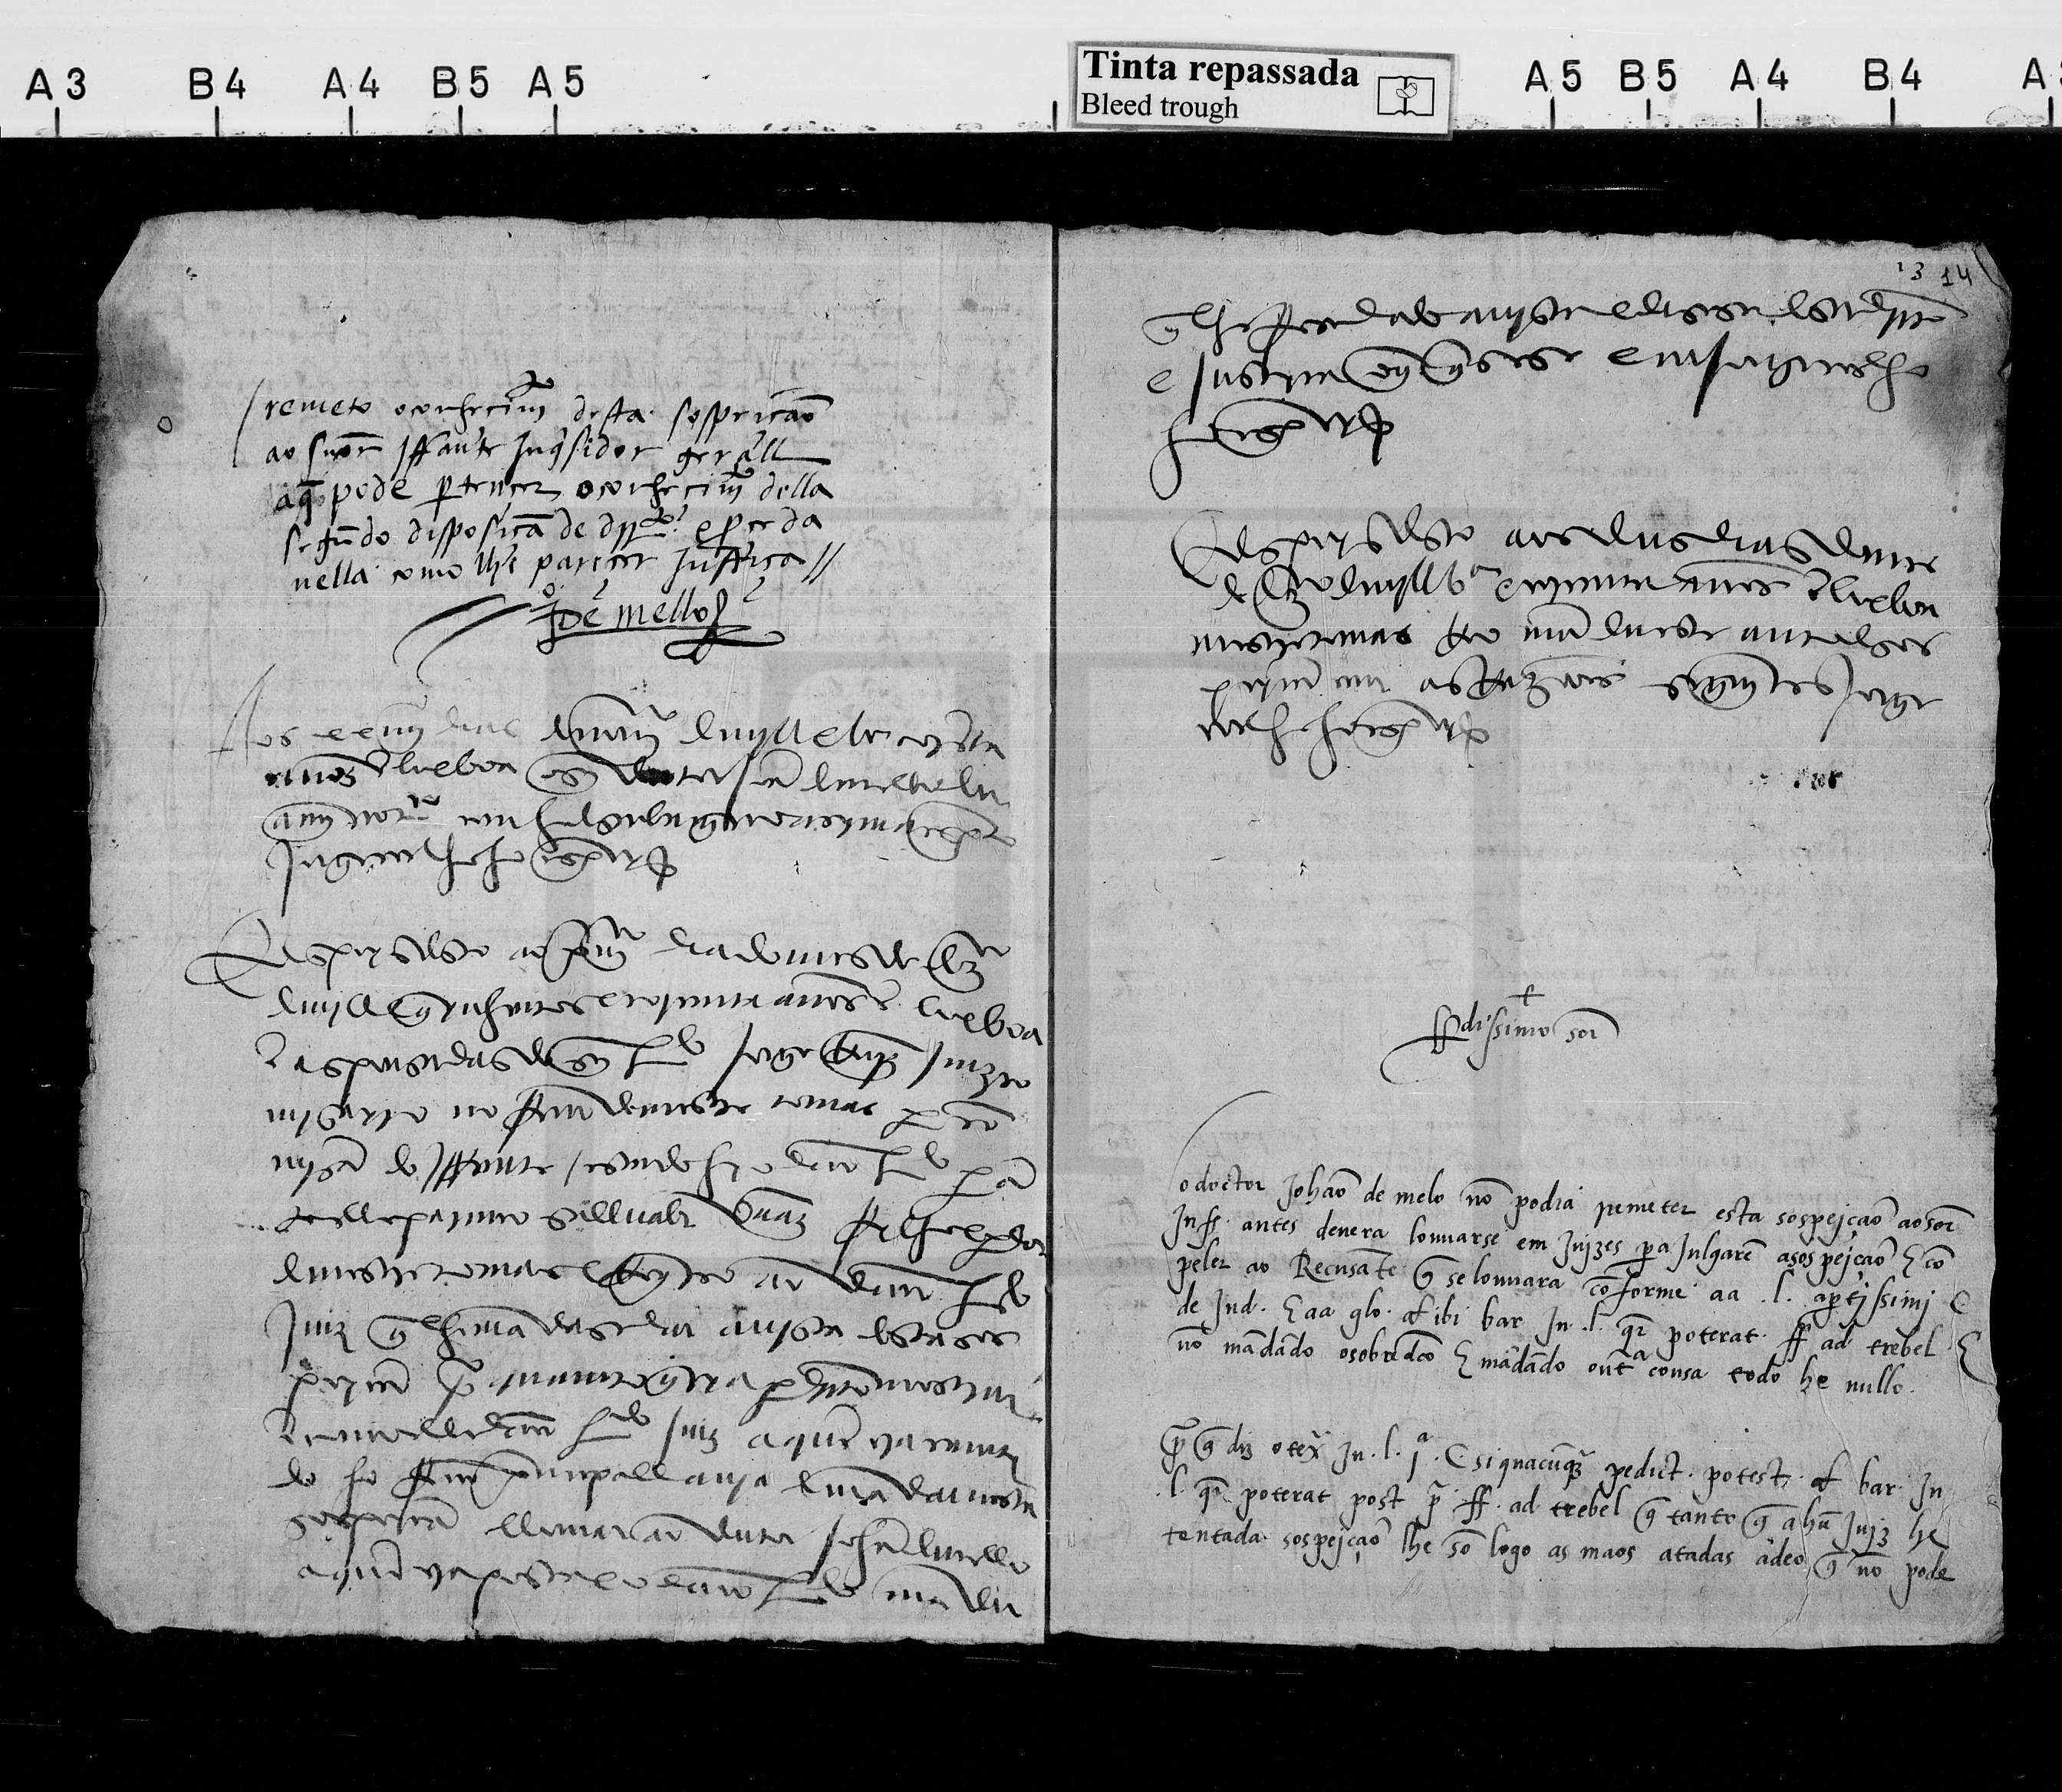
/ remeto o conhecimto desta. sospeição
ao snōr Jffante Jnqisidor gerall
a q̄ pode ꝑtencer o conhecimto della
segūdo disposiçā de drrto. e ꝓceda
nella. como lhe parecer Justiça //
Jo de mello
Aos xxiiij dias de nouro de mjll e vc corēta
an̄os ē lixboa o s̄r doctor Jm̄ de mello deu
a mj̄ notro com ho desenbarguo asyma esp̄to
Jorge coelho ho esp̄vy
E despoys desto ao p̄mro dia do mes de dezro
de mjll e q̄ynhentos e coremta an̄os ē lixboa
ē as pousadas do s̄r Ldo Jorge Rūjz Juiz co
mjsayro no feito de meste tomas ꝑ c̄o
mjsā do Jffante / estado hy o dito Ldo ꝑā
te elle pareceo salluador vāaz fylho e ꝑdor
de mestre tomas e Req̄reo ao ditto Ldo
Juiz q̄ lhe mādase dar a ujsta desta sos
peyçā p̄oquamto q̄rya ꝑ drrto mostrar
ē como elle ditto Ldo Juiz a quē era comety
do ho feito p̄ncipall auja de mādar nesta
sospeyçā llouuar ao doutor Johā de mello
a quē era posta e o ditto Ldo mādou
q̄ lhe fose dado a ujsta e disese de seu dr̄rto
e Justyça o q̄ q̄sese e eu Jorge coelho
ho esp̄vy
E despoys desto aos dous dias do mes
de dezro de mjll vc e coremta an̄os ē lixboa
mestre tomas Reo mādou este auto de sos
peyçā com as Razõoes seguj̄tes Jorge
coelho ho esp̄vy
Rdissimo s̄or
o doctor Johão de melo n̄o podia remeter esta sospejção ao sōr
Jnfꝭ. antes deuera louuarse em Jujzes ꝑa Julgarē a sospejçaõ E c̄o
peler ao Recusāte q̄ se louuara c̄oforme aa .l. aꝑtjssimj C.
de Jnd. E aa glo. al̄ ibi bar Jn .l. q̄r poterat. ff ad trebel E
n̄o mādādo o sobred̄co E mādādo outra cousa todo he nullo.
p̄oq̄ diz o tex̄ Jn .l. ja. C. si quacūqꝫ̄ pedict. potest. al̄ bar Jn
.l. q̄i poterat post p̄ .ff. ad trebel q̄ tanto q̄ a hū Jujz he
tentada. sospejçaõ lhe s̄o logo as maos atadas adeo q̄ n̄o pode
